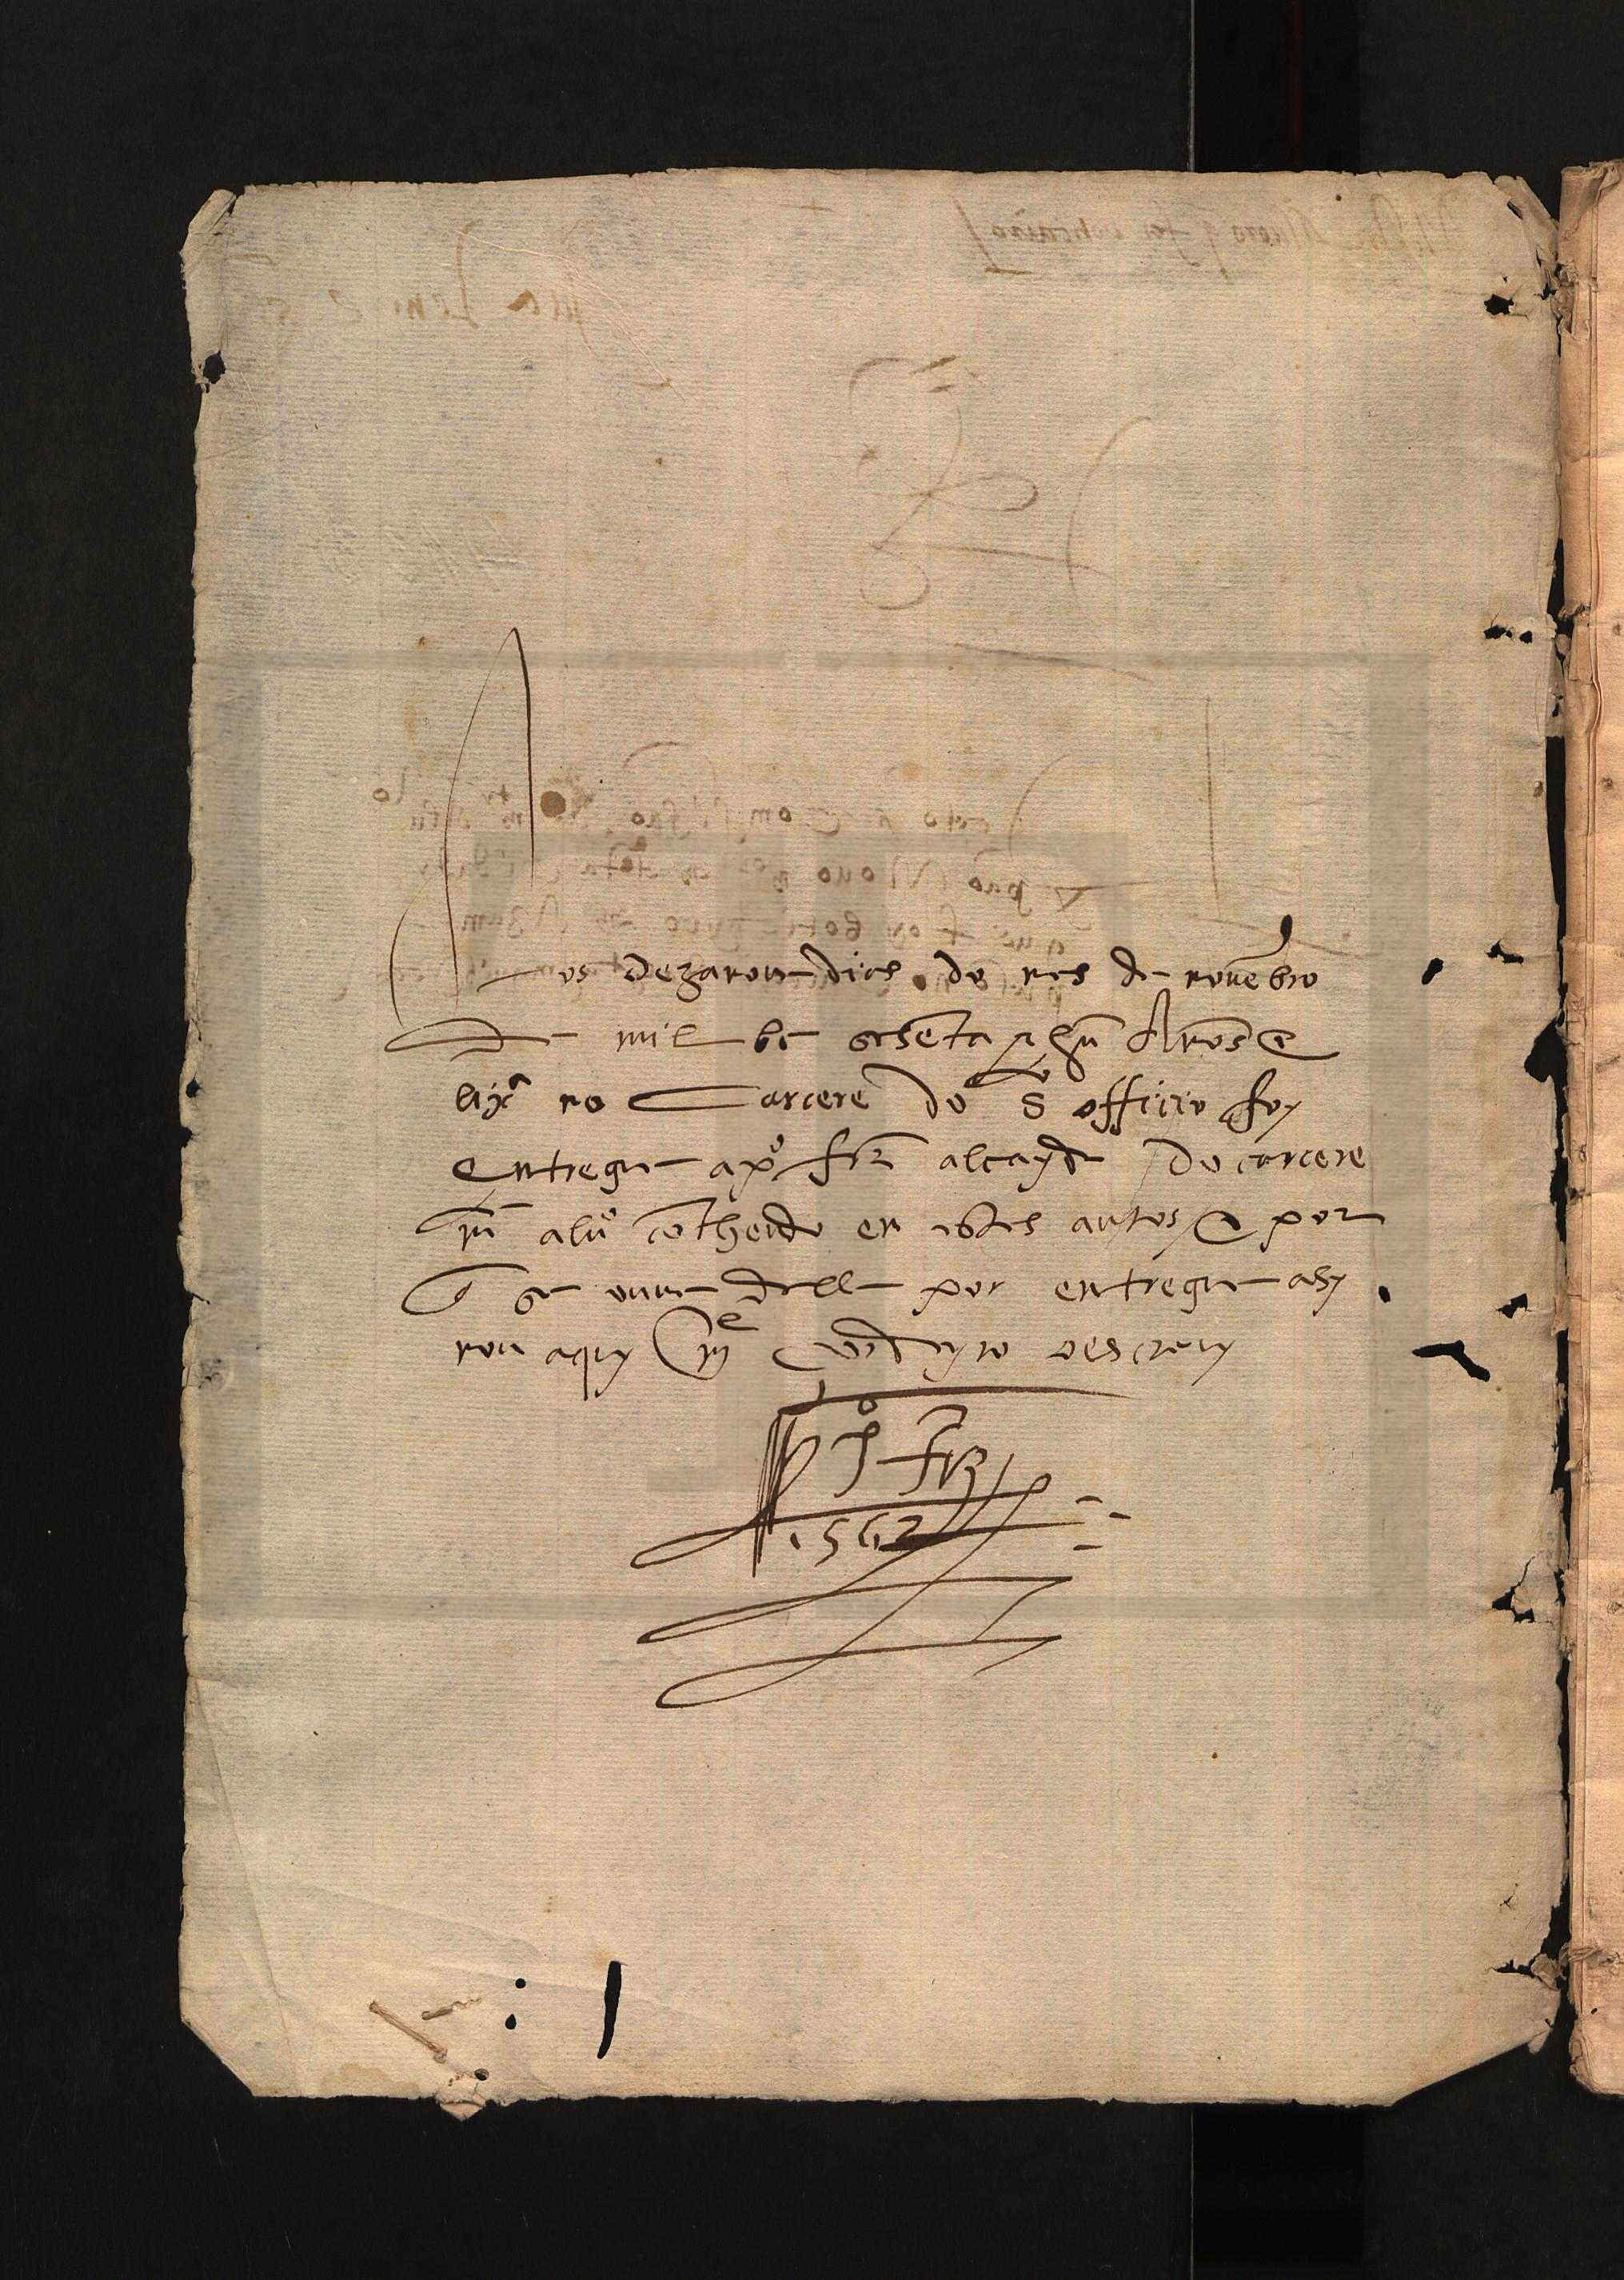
Aos dezanoue dias do mes de nouēbro
de miL bc sesēta e hū An̄os ē
lixa no Carcere do Sto officio foy
entregue a po frz̄ alcayde do carcere
mte aluo cōtheudo em estes autos / e por
q̄ se ouue delle por entregue asy
nou aquy mel Cordeyro o escreuy
Po f̄rz
1562
